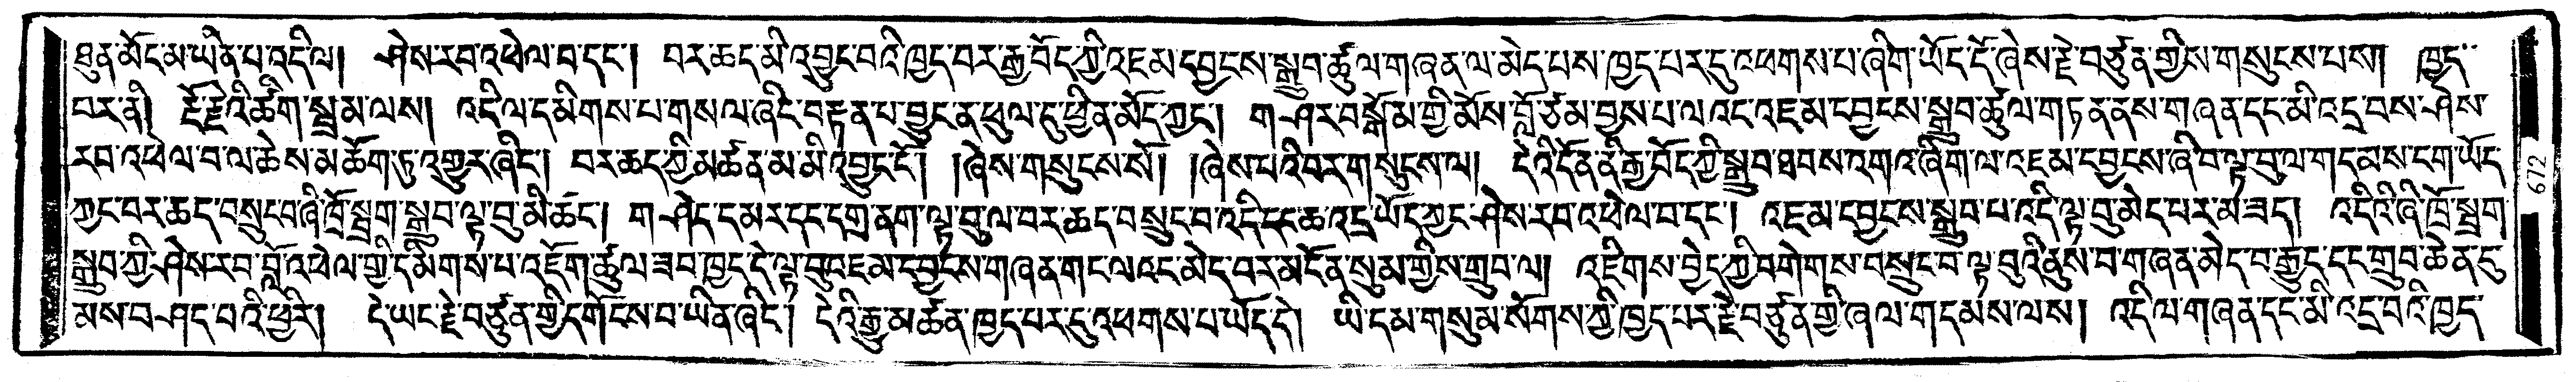ཐུན་མོང་མ་ཡིན་པ་འདི་ལ། ཤེས་རབ་འཕེལ་བ་དང་། བར་ཆད་མི་འབྱུང་བའི་ཁྱད་བར་རྒྱ་བོད་ཀྱི་འཇམ་དབྱངས་སྒྲུབ་ཚུལ་གཞན་ལ་མེད་པས་ཁྱད་པར་དུ་འཕགས་པ་ཞིག་ཡོད་དོ་ཞེས་རྗེ་བཙུན་གྱིས་གསུངས་པས། ཁྱད་
པར་ནི། རྡོ་རྗེའི་ཚིག་སྦྲམ་ལས། འདི་ལ་དམིགས་པ་གསལ་ཞིང་བརྟན་པ་བྱུང་ན་ཕུལ་དུ་ཕྱིན་མོད་ཀྱང་། གཤར་བསྒོམ་གྱི་མོས་བློ་ཙམ་བྱས་པ་ལའང་འཇམ་དབྱངས་སྒྲུབ་ཚུལ་གཏན་ནས་གཞན་དང་མི་འདྲ་བས་ཤེས་
རབ་འཕེལ་བ་ལ་ཆེས་མཆོག་ཏུ་འགྱུར་ཞིང་། བར་ཆད་ཀྱི་མཚན་མ་མི་འབྱུང་ངོ། །ཞེས་གསུངས་སོ། །ཞེས་པའི་བར་གསུངས་ལ། དེའི་དོན་ནི་རྒྱ་བོད་ཀྱི་སྒྲུབ་ཐབས་འགའ་ཞིག་ལ་འཇམ་དབྱངས་ཞི་བ་ལྟ་བུ་ལ་གདམས་ངག་ཡོད་
ཀྱང་བར་ཆད་བསྲུང་བཞི་ཁྲོ་སྦྲག་སྒྲུབ་ལྟ་བུ་མི་ཚང་། གཤེད་དམར་དང་དགྲ་ནག་ལྟ་བུ་ལ་བར་ཆད་བསྲུང་བ་འདི་དང་ཆ་འདྲ་ཡོད་ཀྱང་ཤེས་རབ་འཕེལ་བ་དང་། འཇམ་དབྱངས་སྒྲུབ་པ་འདི་ལྟ་བུ་མེད་པར་མ་ཟད། འདིའི་ཞི་ཁྲོ་སྦྲག་
སྒྲུབ་ཀྱི་ཤེས་རབ་བློ་འཕེལ་གྱི་དམིགས་པ་འཇོག་ཚུལ་ཟབ་ཁྱད་དེ་ལྟ་བུ་འཇམ་དབྱངས་གཞན་གང་ལའང་མེད་པར་མངོན་སུམ་གྱིས་གྲུབ་ལ། འཇིགས་བྱེད་ཀྱི་བགེགས་བསྲུང་བ་ལྟ་བུའི་ནུས་པ་གཞན་མེད་པ་རྒྱུད་དང་གྲུབ་ཆེན་དུ་
མས་བཤད་བའི་ཕྱིར། དེ་ཡང་རྗེ་བཙུན་གྱི་དགོངས་པ་ཡིན་ཞིང་། དེའི་རྒྱུ་མཚན་ཁྱད་པར་དུ་འཕགས་པ་ཡོད་དེ། ཡི་དམ་གསུམ་སོགས་ཀྱི་ཁྱད་པར་རྗེ་བཙུན་གྱི་ཞལ་གདམས་ལས། འདི་ལ་གཞན་དང་མི་འདྲ་བའི་ཁྱད་